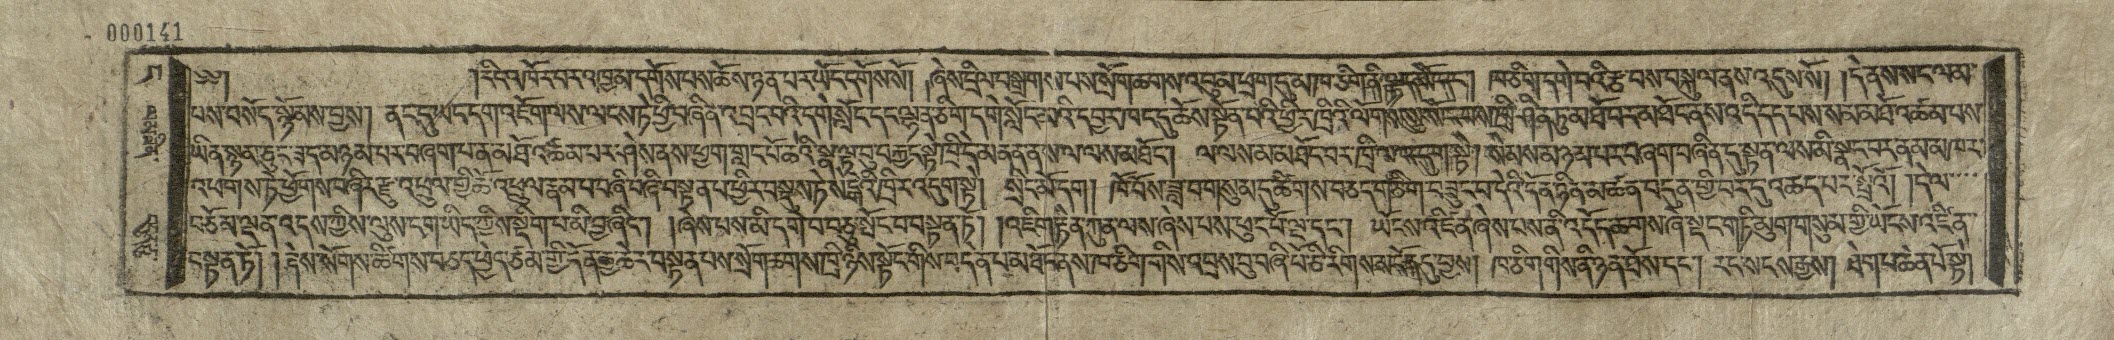༄༅། །རིང་འཁོར་བར་འཁྱམ་དགོས་པས་ཆོས་ཉན་པར་ཡོང་དགོས་སོ། །ཞེས་དྲིལ་བསྒྲགས་པས་སྲོག་ཆགས་འབུམ་ཕྲག་དུ་མ་ཁ་ཅིག་ནི་ལྟད་མོ་དང་། ཁ་ཅིག་དགེ་བའི་རྩ་བས་བསྐུལ་ནས་འདུས་སོ། །དེ་ནས་སང་ལམ་
པས་བསོད་སྙོམས་བྱས། ནང་དུ་ཡང་དག་འཇོག་ལས་ལངས་ཏེ་ཕྱི་བཞིན་འབྲང་བའི་དགེ་སློང་དང་ལྷན་ཅིག་དགེ་སློང་མའི་དབྱར་ཁང་དུ་ཆོས་སྟོན་པའི་ཕྱིར་ཁྲིའི་ལོགས་སུ་སོང་བས་ཁྲི་ཤིན་ཏུ་མཐོ་བར་མཐོང་ནས་འདི་དད་པས་སམ་མཐོ་འཚམ་པས་
ཡིན་སྙམ་ཅུང་ཟད་མཉམ་པར་བཞག་པ་ན་མཐོ་འཚམ་པར་ཤེས་ནས་ཕྱག་གླང་པོ་ཆེའི་སྣ་ལྟ་བུ་བརྐྱང་སྟེ་ཁྲི་དེ་མནན་ནས་ལ་ལས་མཐོང་། ལ་ལས་མ་མཐོང་བར་ཁྲི་ལ་འདུག་སྟེ། སེམས་མཉམ་པར་བཞག་བཞིན་དུ་སྟན་ལས་མི་སྣང་བར་ནམ་མཁར་
འཕགས་ཏེ་ཕྱོགས་བཞིར་རྫུ་འཕྲུལ་གྱི་ཆོ་འཕྲུལ་རྣམ་པ་བཞི་བཞི་བསྟན་པ་ཕྱིར་བསྡུས་ཏེ་སེངྒེའི་ཁྲིར་འདུག་སྟེ། སྲིང་མོ་དག་ཁོ་བོས་ཟླ་བ་གསུམ་དུ་ཚིགས་བཅད་གཅིག་བཟུང་བ་དེའི་དོན་ཉིན་མཚན་བདུན་གྱི་བར་དུ་འཆད་པར་སྤྲོའོ། །དེ་ལ་
བཅོམ་ལྡན་འདས་ཀྱིས་ལུས་ངག་ཡིད་ཀྱིས་སྡིག་པ་མི་བྱ་ཞིང་། །ཞེས་པས་མི་དགེ་བ་བཅུ་སྤོང་བ་བསྟན་ཏོ། །འཇིག་རྟེན་ཀུན་ལས་ཞེས་པས་ཕུང་པོ་ལྔ་དང་། ཡོངས་འཛིན་ཞེས་པས་ནི་འདོད་ཆགས་ཞེ་སྡང་གཏི་མུག་གསུམ་གྱི་ཡོངས་འཛིན་
བསྟན་ཏོ། །ཞེས་སོགས་ཚིགས་བཅད་ཕྱེད་ཙམ་གྱི་དོན་རྒྱ་ཆེར་བསྟན་པས་སྲོག་ཆགས་ཁྲི་ཉིས་སྟོང་གིས་བདེན་པ་མཐོང་ནས་ཁ་ཅིག་གིས་འབྲས་བུ་བཞི་པོ་ཅི་རིགས་མངོན་དུ་བྱས། ཁ་ཅིག་གིས་ནི་ཉན་ཐོས་དང་། རང་སངས་རྒྱས། ཐེག་པ་ཆེན་པོ་སྟེ།